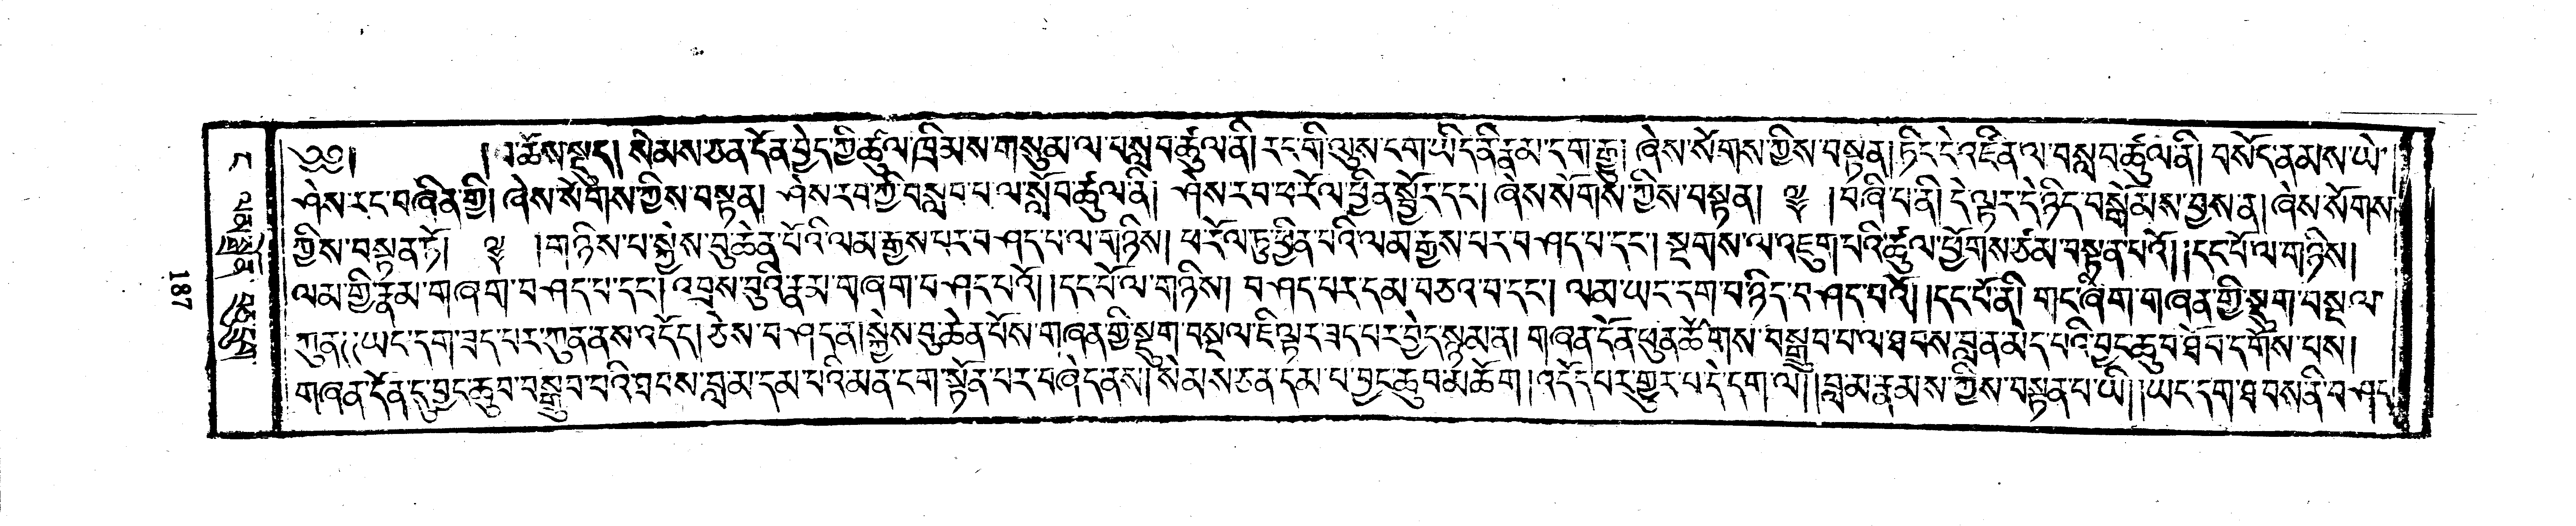༄༅། །བ་ཆོས་སྡུད། སེམས་ཅན་དོན་བྱེད་ཀྱི་ཚུལ་ཁྲིམས་གསུམ་ལ་བསླབ་ཚུལ་ནི། རང་གི་ལུས་ངག་ཡིད་ནི་རྣམ་དག་རྒྱུ། ཞེས་སོགས་ཀྱིས་བསྟན། ཏིང་ངེ་འཛིན་ལ་བསླབ་ཚུལ་ནི། བསོད་ནམས་ཡེ་
ཤེས་རང་བཞིན་གྱི། ཞེས་སོགས་ཀྱིས་བསྟན། ཤེས་རབ་ཀྱི་བསླབ་པ་ལ་སློབ་ཚུལ་ནི། ཤེས་རབ་ཕ་རོལ་ཕྱིན་སྦྱོར་དང་། ཞེས་སོགས་ཀྱིས་བསྟན། ༈ །བཞི་པ་ནི། དེ་ལྟར་དེ་ཉིད་བསྒོམས་བྱས་ན། ཞེས་སོགས་
ཀྱིས་བསྟན་ཏོ། ༈ །གཉིས་པ་སྐྱེས་བུ་ཆེན་པོའི་ལམ་རྒྱས་པར་བཤད་པ་ལ་གཉིས། ཕ་རོལ་ཏུ་ཕྱིན་པའི་ལམ་རྒྱས་པར་བཤད་པ་དང་། སྔགས་ལ་འཇུག་པའི་ཚུལ་ཕྱོགས་ཙམ་བསྟན་པའོ། །དང་པོ་ལ་གཉིས།
ལམ་གྱི་རྣམ་གཞག་བཤད་པ་དང་། འབྲས་བུའི་རྣམ་གཞག་བཤད་པའོ། །དང་པོ་ལ་གཉིས། བཤད་པར་དམ་བཅའ་བ་དང་། ལམ་ཡང་དག་པ་ཉིད་བཤད་པའོ། །དང་པོ་ནི། གང་ཞིག་གཞན་གྱི་སྡུག་བསྔལ་
ཀུན། །ཡང་དག་ཟད་པར་ཀུན་ནས་འདོད། ཅེས་བཤད་ན། སྐྱེས་བུ་ཆེན་པོས་གཞན་གྱི་སྡུག་བསྔལ་ཇི་ལྟར་ཟད་པར་བྱེད་སྙམ་ན། གཞན་དོན་ཕུན་ཚོགས་བསྒྲུབ་པ་ལ་ཐབས་བླ་ན་མེད་པའི་བྱང་ཆུབ་ཐོབ་དགོས་པས།
གཞན་དོན་དུ་བྱང་ཆུབ་བསྒྲུབ་པའི་ཐབས་བླ་མ་དམ་པའི་མན་ངག་སྟོན་པར་བཞེད་ནས། སེམས་ཅན་དམ་པ་བྱང་ཆུབ་མཆོག །འདོད་པར་གྱུར་པ་དེ་དག་ལ། །བླ་མ་རྣམས་ཀྱིས་བསྟན་པ་ཡི། །ཡང་དག་ཐབས་ནི་བཤད་